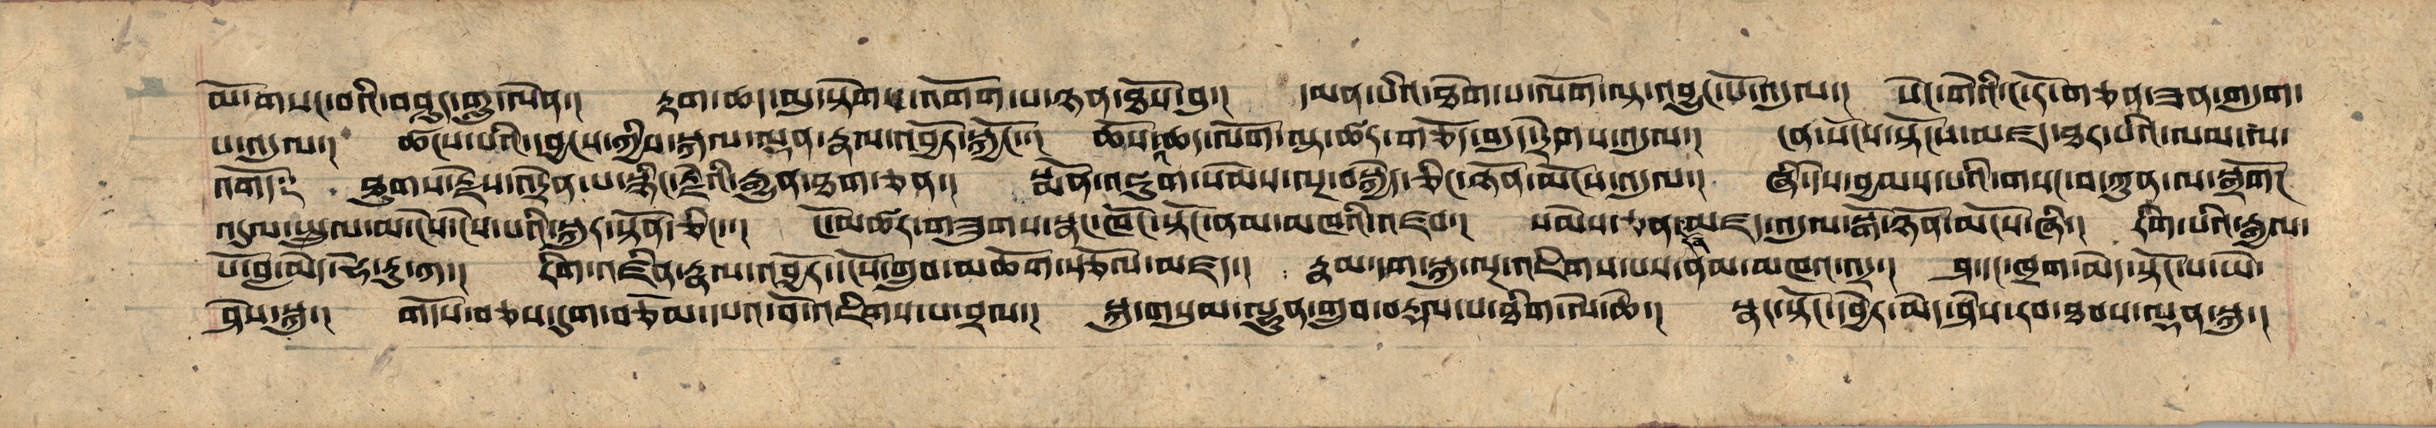མོ་གསང་བའི་བཤད་གླུ་ལེན་། རྟག་ཆད་མུ་སྟེགས་འགོག་པ་ཉན་ཐོས་བུ་། དམན་པའི་ཐེག་པ་ལོག་ལྟ་འབྱུང་པོ་འདུལ་། སེང་གེའི་ང་རོ་གཅན་ཟན་གདུག་
པ་འདུལ་། ཚངས་པའི་དབྱངས་ཀྱིས་སྐལ་ལྡན་རྣལ་འབྱོར་སྐྱོང་་། ཆོས་འཆད་ལོག་ལྟ་ཚར་གཅོད་བདུད་དྲེགས་འདུལ་། ངན་སོངས་སྟོངས་མཛད་ཐར་པའི་ལམ་ལ་
འགོད༑ ཐུགས་རྗེས་འདྲེན་པ་སྙིང་རྗེའི་རྒྱུན་ཐག་ཅན་། སྨོན་འཇུག་སེམས་ལྔ་བསྐྱེད་ཅིང་ཉོན་མོངས་འདུལ་། ཞི་དེས་བྱམས་པའི་གསང་བ་ཀུན་ལ་སྒྲོག།
འདུལ་སྤྲུལ་མ་ངེས་ངེས་པའི་སྐུར་སྟོན་ཅིང་་། ངོ་མཚར་གཟུགས་སྣང་ཁོང་སྟོང་ནམ་མཁའི་འཛབ་། སེམས་ཅན་དོན་མཛད་འདུལ་སྒོ་ཉོན་མོངས་ཞི་། རིག་པའི་རྒྱལ་
པོ་བླ་མེད་ཧེ་རུ་ཀ་། རིག་འཛིན་རྣལ་འབྱོར་དངོས་གྲུབ་མཆོག་སྩོལ་མཛད་། རྣམ་དག་སྐུ་ལྔ་འཇིགས་པས་ནམ་མཁའ་འདྲ་། ཤ་དང་ཁྲག་མེད་སྟོང་པ་ཡེ་
ཤེས་སྐུ་། གདོས་བཅས་དུག་བཅོམ་དཔའ་བོ་འཇིགས་པ་བྲལ་། སྐུ་གསུམ་ལྷུན་གྲུབ་བརྡལ་པ་ཐིག་ལེ་ཆེ་། སྣང་སྟོང་དབྱེར་མེད་ཤེས་རབ་ཐབས་ལྡན་སྐུ་།